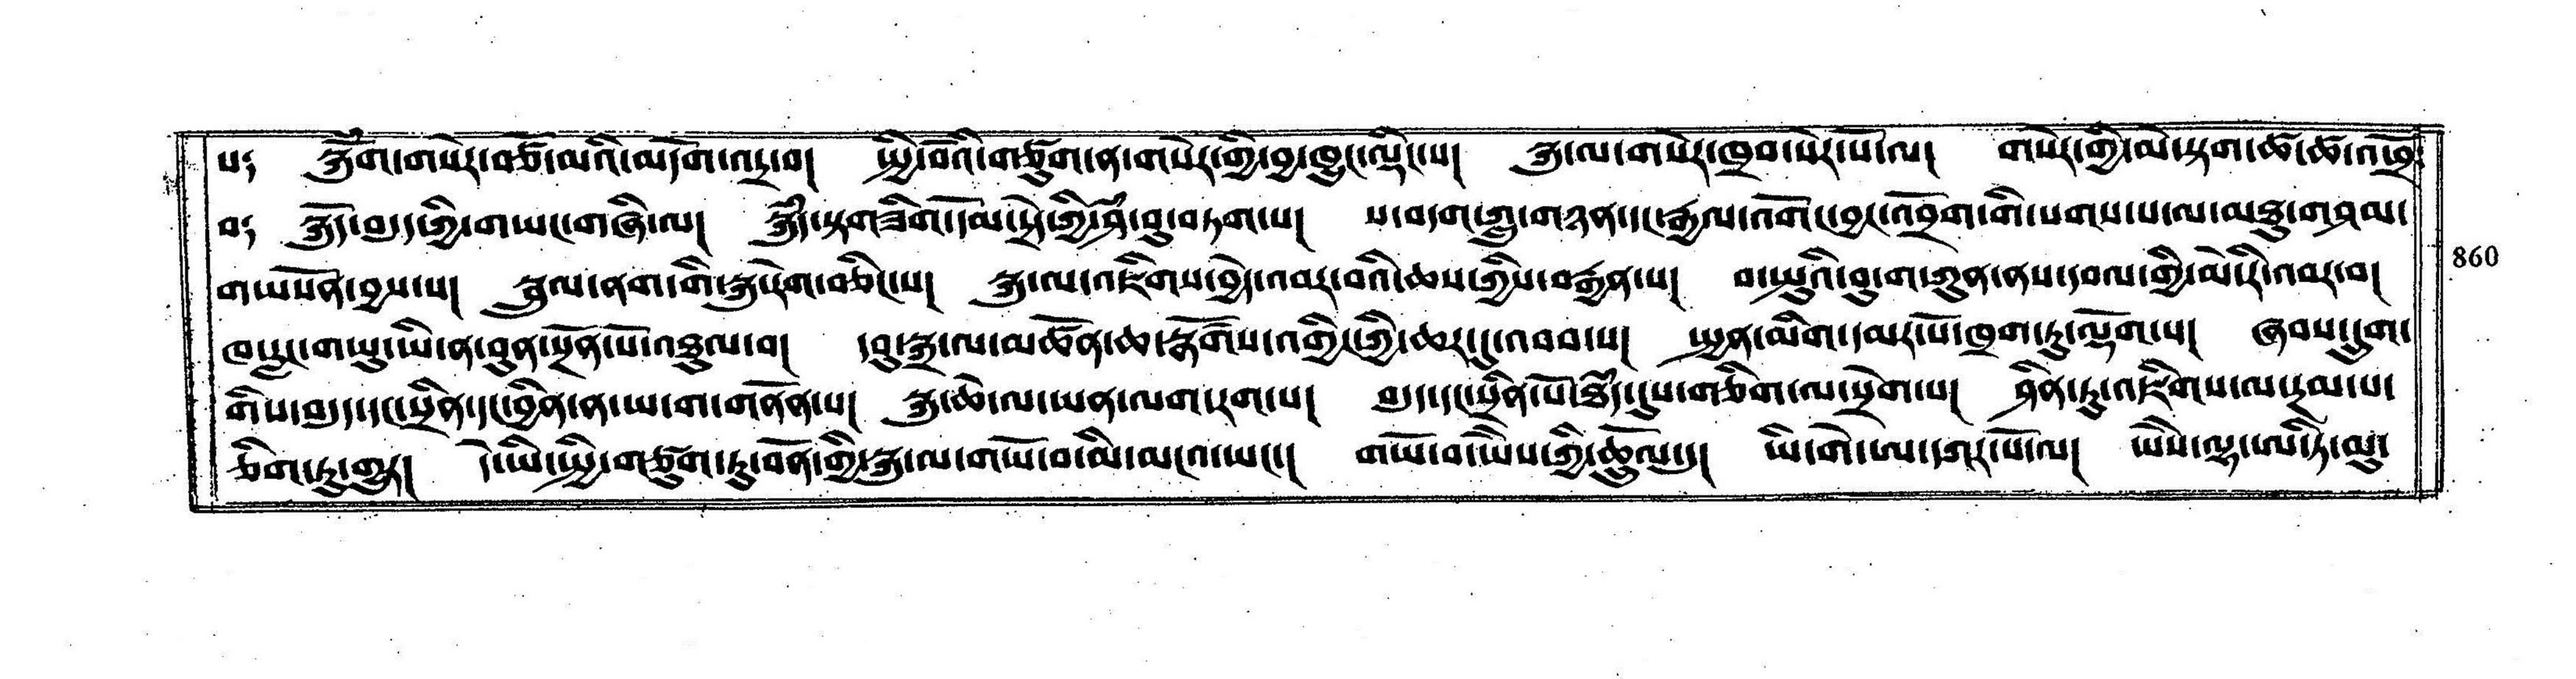པ། སྐུ་མདོག་གསེར་བཙོ་མའི་མདོག་འདྲ་བ། སྤྱི་བོའི་གཙུག་ན་གསེར་གྱི་བྱ་ཁྱུང་ལྡིང་པ། སྐུ་ལ་གསེར་ཁྲབ་སེར་པོ་ལ། གསེར་གྱི་མེ་སྟག་ཚ་ཚ་འཕྲོ་
བ། སྐུ་སྟོད་བདུད་ཀྱི་གཡང་གཞི་ལ། སྐུ་སྨད་སྟག་གཟིག་དོམ་དྲེད་ཀྱི་ཤམ་བུ་བཏག་པ། ས་བདག་ཀླུ་གཉན་དང་རྒྱལ་འགོང་བྱང་འབྲོག་གི་སྤགས་པ་ལ་མཐུ་གཤལ་
གཡས་གཡོན་བྱས་པ། སྦྲུལ་ནག་གི་སྐུ་རེག་བཅིང་པ། སྐུ་ལ་འཇིགས་བྱེད་འབར་བའི་ཆས་ཀྱིས་བརྒྱན་པ། བ་སྤུའི་བུ་ག་ཀུན་ནས་དབལ་གྱི་མེ་རི་འབར་བ། 
ཁ་རླངས་གཡུ་ཡི་ན་བུན་སྔོན་པོ་འཐུལ་བ། དབུ་སྐྲ་ལ་མཚོན་ཆ་སྣ་ཚོགས་འགྱིང་ཀྱི་ཆར་དུ་འབབ་པ། སྤྱན་མིག་དམར་པོ་ཁྲག་ཏུ་ལྡོག་པ། ཞབས་དྲུག་
གིས་བདུད་དང་སྲིན་དང་བྱིན་ན་ཡ་ག་གནོན་པ། སྐུ་ཆེ་ལ་ཡན་ལག་རག་པ། བདུད་དང་སྲིན་པོ་ཐམས་ཅད་དུས་གཅིག་ལ་སྲེག་པ། ཤིན་ཏུ་འཇིགས་ལ་རྔམ་པ་
ཅིག་ཏུ་གྱུར། དེ་ཡི་སྤྱི་གཙུག་ཏུ་བོན་གྱི་སྐུ་ལ་གཡོ་བ་མི་མངའ་ཡང་། གཡོ་བ་ཡེ་ཤེས་ཀྱི་ཆོ་འཕྲུལ་དུ། ཡི་གེ་ཨ་དཀར་པོ་ལ། ཡེ་ཤེས་ལྷ་ཨ་ཏི་མུ་